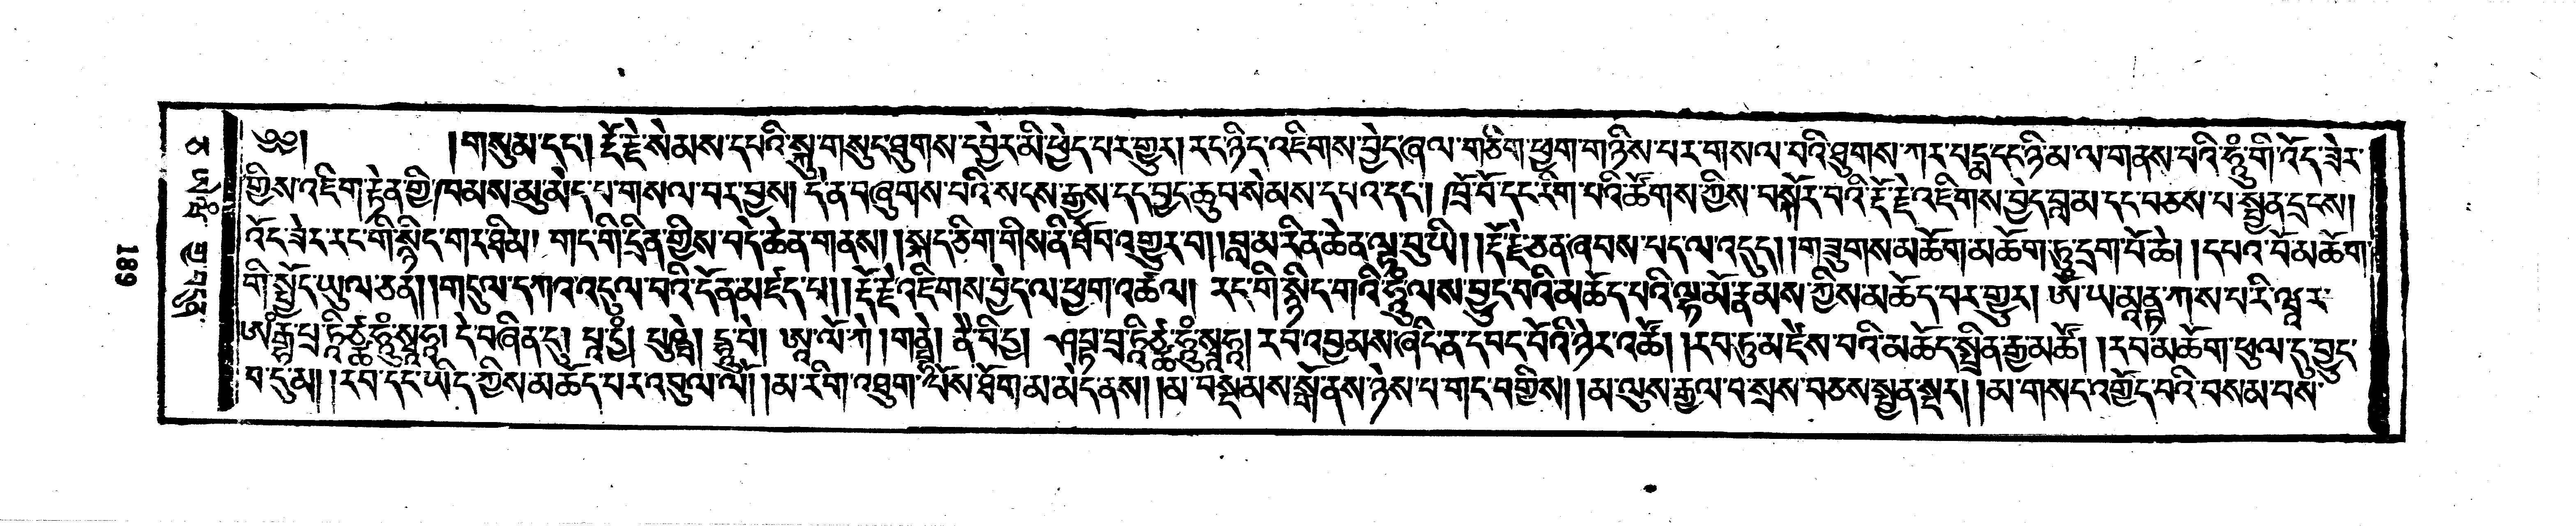༄༅། །གསུམ་དང་། རྡོ་རྗེ་སེམས་དཔའི་སྐུ་གསུང་ཐུགས་དབྱེར་མི་ཕྱེད་པར་གྱུར། རང་ཉིད་འཇིགས་བྱེད་ཞལ་གཅིག་ཕྱག་གཉིས་པར་གསལ་བའི་ཐུགས་ཀར་པདམ་དང་ཉི་མ་ལ་གནས་པའི་ཧཱུཾ་གི་འོད་ཟེར་
གྱིས་འཇིག་རྟེན་གྱི་ཁམས་མུ་མེད་པ་གསལ་བར་བྱས། དེ་ན་བཞུགས་པའི་སངས་རྒྱས་དང་བྱང་ཆུབ་སེམས་དཔའ་དང་། ཁྲོ་བོ་དང་རིག་པའི་ཚོགས་ཀྱིས་བསྐོར་བའི་རྡོ་རྗེ་འཇིགས་བྱེད་བླ་མ་དང་བཅས་པ་སྤྱན་དྲངས།
འོད་ཟེར་རང་གི་སྙིང་གར་ཐིམ། གང་གི་དྲིན་གྱིས་བདེ་ཆེན་གནས། །སྐད་ཅིག་གིས་ནི་ཐོབ་འགྱུར་བ། །བླ་མ་རིན་ཆེན་ལྟ་བུ་ཡི། །རྡོ་རྗེ་ཅན་ཞབས་པད་ལ་འདུད། །གཟུགས་མཆོག་མཆོག་ཏུ་དྲག་པོ་ཆེ། །དཔའ་བོ་མཆོག་
གི་སྤྱོད་ཡུལ་ཅན། །གདུལ་དཀའ་འདུལ་བའི་དོན་མཛད་པ། །རྡོ་རྗེ་འཇིགས་བྱེད་ལ་ཕྱག་འཚལ། རང་གི་སྙིང་གའི་ཧཱུཾ་ལས་བྱུང་བའི་མཆོད་པའི་ལྷ་མོ་རྣམས་ཀྱིས་མཆོད་པར་གྱུར། ཨོཾ་ཡ་མཱནྟ་ཀ་ས་པ་རི་ཝཱ་ར་
ཨརྒྷཾ་པྲ་ཏཱི་ཙྪ་ཧཱུཾ་སྭཱཧཱ། དེ་བཞིན་དུ། པཱ་དྱཾ། པུཥྤེ། དྷཱུ་པེ། ཨཱ་ལོ་ཀེ། གནྡྷེ། ནཻ་བི་དྱ། ཤཔྟ་པྲ་ཏཱི་ཙྪ་ཧཱུཾ་སྭཱཧཱ། རབ་འབྱམས་ཞིང་ན་དབང་པོའི་ཉེར་འཚེ། །རབ་ཏུ་མཛེས་པའི་མཆོད་སྤྲིན་རྒྱ་མཚོ། །རབ་མཆོག་ཕུལ་དུ་བྱུང་
བ་དུ་མ། །རབ་དང་ཡིད་ཀྱིས་མཆོད་པར་འབུལ་ལོ། །མ་རིག་འཐུག་པོས་ཐོག་མ་མེད་ནས། །མ་བསྡམས་སྒོ་ནས་ཉེས་པ་གང་བགྱིས། །མ་ལུས་རྒྱལ་བ་སྲས་བཅས་སྤྱན་སྔར། །མ་གསང་འགྱོད་པའི་བསམ་པས་